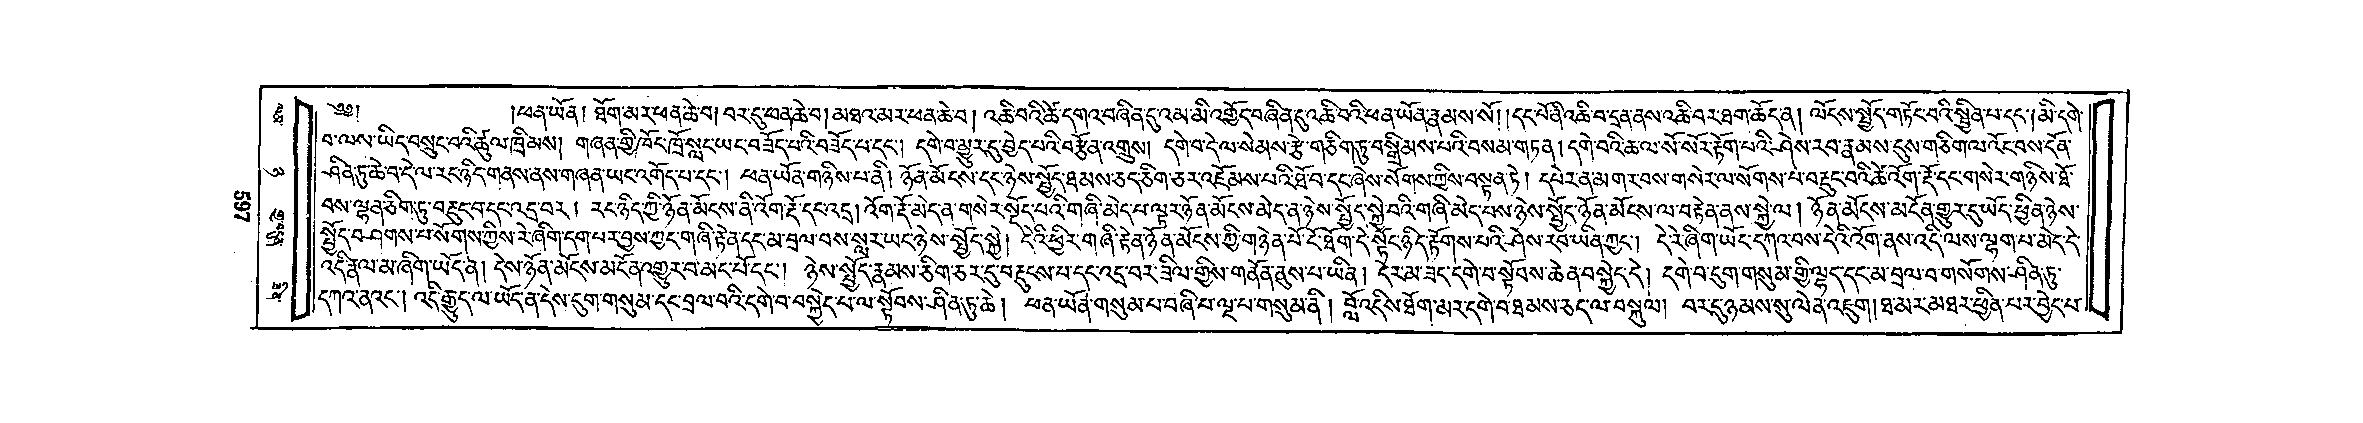༄༅། །ཕན་ཡོན། ཐོག་མར་ཕན་ཆེ་བ། བར་དུ་ཕན་ཆེ་བ། མཐའ་མར་ཕན་ཆེ་བ། འཆི་བའི་ཚེ་དགའ་བཞིན་དུའམ་མི་འགྱོད་བཞིན་དུ་འཆི་བའི་ཕན་ཡོན་རྣམས་སོ། །དང་པོ་ནི་འཆི་བ་དྲན་ནས་འཆི་བར་ཐག་ཆོད་ན། ལོངས་སྤྱོད་གཏོང་བའི་སྦྱིན་པ་དང་། མི་དགེ་
བ་ལས་ཡིད་བསྲུང་བའི་ཚུལ་ཁྲིམས། གཞན་གྱི་ཁོང་ཁྲོ་སླང་ཡང་བཟོད་པའི་བཟོད་པ་དང་། དགེ་བ་མྱུར་དུ་བྱེད་པའི་བརྩོན་འགྲུས། དགེ་བ་དེ་ལ་སེམས་རྩེ་གཅིག་ཏུ་བསྒྲིམས་པའི་བསམ་གཏན། དགེ་བའི་ཆ་ལ་སོ་སོར་རྟོག་པའི་ཤེས་རབ་རྣམས་དུས་གཅིག་ལ་འོང་བས་དོན་
ཤིན་ཏུ་ཆེ་བ་དེ་ལ་རང་ཉིད་གནས་ནས་གཞན་ཡང་འགོད་པ་དང་། ཕན་ཡོན་གཉིས་པ་ནི། ཉོན་མོངས་དང་ཉེས་སྤྱོད་ཐམས་ཅད་ཅིག་ཅར་འཇོམས་པའི་ཐོ་བ་དང་ཞེས་སོགས་ཀྱིས་བསྟན་ཏེ། དཔེར་ན་མ་གར་བས་གསེར་ལ་སོགས་པ་བརྡུང་བའི་ཚེ་འོག་རྡོ་དང་གསེར་གཉིས་ཐོ་
བས་ལྷན་ཅིག་ཏུ་བརྡུང་བ་དང་འདྲ་བར། རང་ཉིད་ཀྱི་ཉོན་མོངས་ནི་འོག་རྡོ་དང་འདྲ། འོག་རྡོ་མེད་ན་གསེར་སྡོད་པའི་གཞི་མེད་པ་ལྟར་ཉོན་མོངས་མེད་ན་ཉེས་སྤྱོད་སྐྱེ་བའི་གཞི་མེད་པས་ཉེས་སྤྱོད་ཉོན་མོངས་ལ་བརྟེན་ནས་སྐྱེ་ལ། ཉོན་མོངས་མངོན་གྱུར་དུ་ཡོད་ཕྱིན་ཉེས་
སྤྱོད་བཤགས་པ་སོགས་ཀྱིས་རེ་ཞིག་དག་པར་བྱས་ཀྱང་གཞི་རྟེན་དང་མ་བྲལ་བས་སླར་ཡང་ཉེས་སྤྱོད་སྐྱེ། དེའི་ཕྱིར་གཞི་རྟེན་ཉོན་མོངས་ཀྱི་གཉེན་པོ་ངོ་ཐོག་དེ་སྟོང་ཉིད་རྟོགས་པའི་ཤེས་རབ་ཡིན་ཀྱང་། དེ་རེ་ཞིག་ཡོང་དཀའ་བས་དེའི་འོག་ནས་འདི་ལས་ལྷག་པ་མེད་དེ་
འདི་རྣལ་མ་ཞིག་ཡོད་ན། དེས་ཉོན་མོངས་མངོན་འགྱུར་བ་མང་པོ་དང་། ཉེས་སྤྱོད་རྣམས་ཅིག་ཅར་དུ་བརྡུངས་པ་དང་འདྲ་བར་ཟིལ་གྱིས་གནོན་ནུས་པ་ཡིན། དེར་མ་ཟད་དགེ་བ་སྟོབས་ཆེན་བསྐྱེད་དེ། དགེ་བ་དུག་གསུམ་གྱི་ལྷད་དང་མ་བྲལ་བ་གསོགས་ཤིན་ཏུ་
དཀའ་ནའང་། འདི་རྒྱུད་ལ་ཡོད་ན་དེས་དུག་གསུམ་དང་བྲལ་བའི་དགེ་བ་བསྐྱེད་པ་ལ་སྟོབས་ཤིན་ཏུ་ཆེ། ཕན་ཡོན་གསུམ་པ་བཞི་པ་ལྔ་པ་གསུམ་ནི། བློ་འདིས་ཐོག་མར་དགེ་བ་ཐམས་ཅད་ལ་བསྐུལ། བར་དུ་ཉམས་སུ་ལེན་འཇུག །ཐ་མར་མཐར་ཕྱིན་པར་བྱེད་པ་